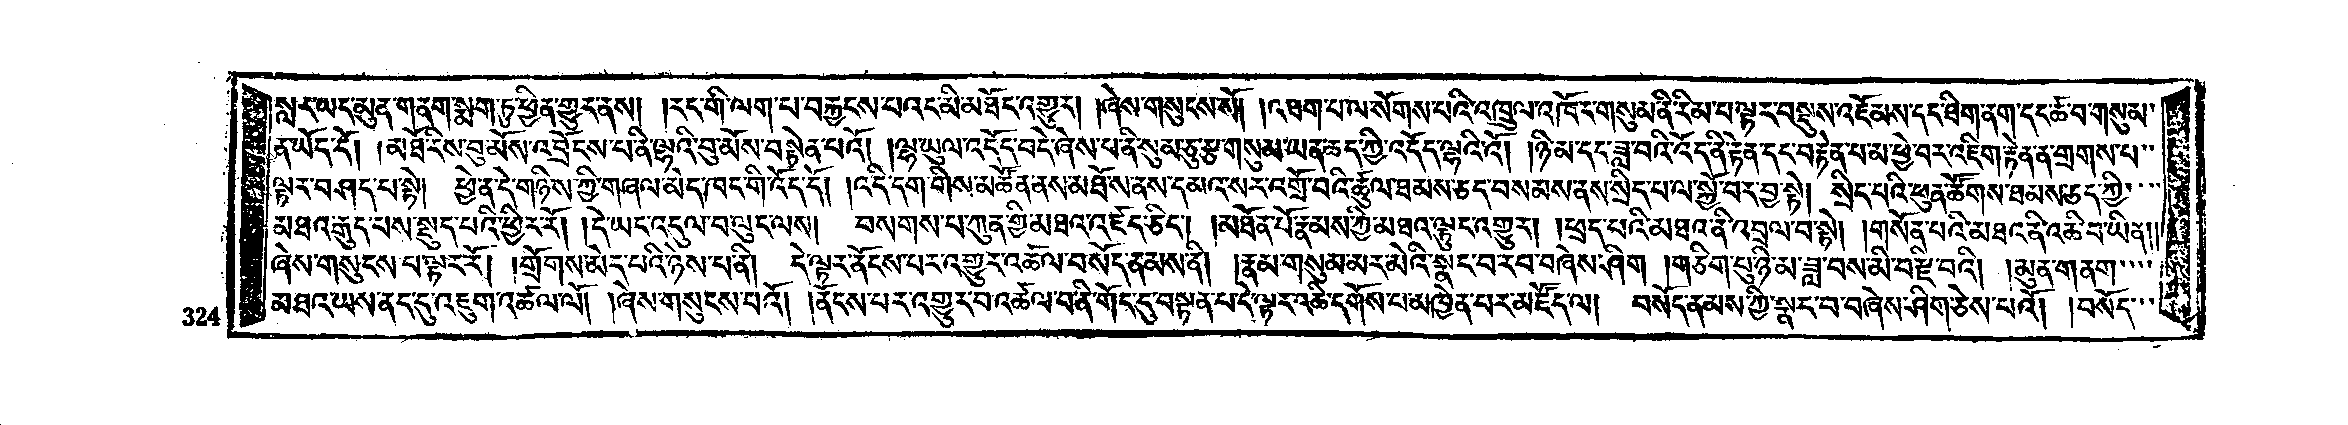སླར་ཡང་མུན་གནག་སྨག་ཏུ་ཕྱིན་གྱུར་ནས། །རང་གི་ལག་པ་བརྐྱངས་པའང་མི་མཐོང་འགྱུར། །ཞེས་གསུངས་སོ། །འཐག་པ་ལ་སོགས་པའི་འཁྲུལ་འཁོར་གསུམ་ནི་རིམ་པ་ལྟར་བསྡུས་འཇོམས་དང་ཐིག་ནག་དང་ཚ་བ་གསུམ་
ན་ཡོད་དོ། །མཐོ་རིས་བུ་མོས་འབྲོངས་པ་ནི་ལྷའི་བུ་མོས་བསྟེན་པའོ། །ལྷ་ཡུལ་འདོད་བདེ་ཞེས་པ་ནི་སུམ་ཅུ་རྩ་གསུམ་ཡན་ཆད་ཀྱི་འདོད་ལྷའི་འོ། །ཉི་མ་དང་ཟླ་བའི་འོད་ནི་རྟེན་དང་བརྟེན་པ་མ་ཕྱེ་བར་འཇིག་རྟེན་ན་གྲགས་པ་
ལྟར་བཤད་པ་སྟེ། ཕྱེ་ན་དེ་གཉིས་ཀྱི་གཞལ་མེད་ཁང་གི་འོད་དོ། །འདི་དག་གིས་མཚོན་ནས་མཐོ་ས་ནས་དམའ་སར་འགྲོ་བའི་ཚུལ་ཐམས་ཅད་བསམས་ནས་སྲིད་པ་ལ་སྐྱོ་བར་བྱ་སྟེ། སྲིད་པའི་ཕུན་ཚོགས་ཐམས་ཅད་ཀྱི་
མཐའ་རྒུད་པས་སྡུད་པའི་ཕྱིར་རོ། །དེ་ཡང་འདུལ་བ་ལུང་ལས། བསགས་པ་ཀུན་གྱི་མཐའ་འཛད་ཅིང་། །མཐོན་པོ་རྣམས་ཀྱི་མཐའ་ལྟུང་འགྱུར། །ཕྲད་པའི་མཐའ་ནི་འབྲལ་བ་སྟེ། །གསོན་པའི་མཐའ་ནི་འཆི་བ་ཡིན། །
ཞེས་གསུངས་པ་ལྟར་རོ། །གྲོགས་མེད་པའི་ཉེས་པ་ནི། དེ་ལྟར་ནོངས་པར་འགྱུར་འཚལ་བསོད་ནམས་ནི། །རྣམ་གསུམ་མར་མེའི་སྣང་བ་རབ་བཞེས་ཤིག །གཅིག་པུ་ཉི་མ་ཟླ་བས་མི་བརྫི་བའི། །མུན་གནག་
མཐའ་ཡས་ནང་དུ་འཇུག་འཚལ་ལོ། །ཞེས་གསུངས་པའོ། །ནོངས་པར་འགྱུར་བ་འཚལ་བ་ནི་གོང་དུ་བསྟན་པ་དེ་ལྟར་འཆི་དགོས་པ་མཁྱེན་པར་མཛོད་ལ། བསོད་ནམས་ཀྱི་སྣང་བ་བཞེས་ཤིག་ཅེས་པའོ། །བསོད་